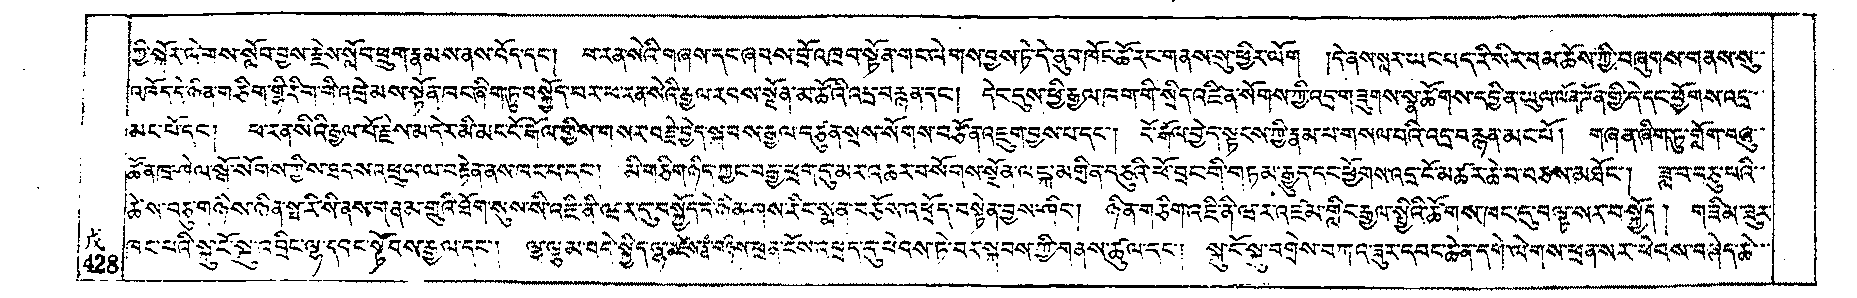ཀྱི་སྐོར་ལེགས་སློབ་བྱས་རྗེས་སློབ་ཕྲུག་རྣམས་ནས་བོད་དང་། ཕ་རན་སེའི་གཞས་དང་ཞབས་བྲོ་འཁྲབ་སྟོན་གང་ལེགས་བྱས་ཏེ་དེ་ནུབ་ཁོང་ཚོ་རང་གནས་སུ་ཕྱིར་ལོག །དེ་ནས་སླར་ཡང་པད་རི་སིར་བམ་ཆོས་ཀྱི་བཞུགས་གནས་སུ་
འཁོད་དེ་ཉིན་གཅིག་གྷི་རིག་གི་འགྲེམས་སྟོན་ཁང་ཞིག་ཏུ་བསྐྱོད་པར་ཕ་རན་སེའི་རྒྱལ་རབས་སྔོན་མ་ཚོའི་འདྲ་བརྙན་དང་། དེང་དུས་ཕྱི་རྒྱལ་ཁག་གི་སྲིད་འཛིན་སོགས་ཀྱི་འདྲ་གཟུགས་སྣ་ཚོགས་དབྱིན་ཡུལ་ལོན་ཌོན་གྱི་དེ་དང་ཕྱོགས་འདྲ་
མང་པོ་དང་། ཕ་རན་སིའི་རྒྱལ་པོ་རྗེས་མ་དེར་མི་མང་ངོ་རྒོལ་གྱིས་གསར་བརྗེ་བྱེད་སྐབས་རྒྱལ་བཙུན་སྲས་སོགས་བཙོན་འཇུག་བྱས་པ་དང་། ངོ་རྒོལ་བྱེད་སྟངས་ཀྱི་རྣམ་པ་གསལ་བའི་འདྲ་བརྙན་མང་པོ། གཞན་ཞིག་ཏུ་གློག་བཞུ་
ཚོན་ཁྲ་ཤེལ་སྒོ་སོགས་ཀྱིས་ཐབས་འཕྲུལ་ལ་བརྟེན་ནས་ཁང་པ་དང་། མི་གཅིག་ཉིད་ཀྱང་བརྒྱ་ཕྲག་དུ་མར་འཆར་བ་སོགས་སྔོན་ལངྐ་མགྲིན་བཅུའི་ཕོ་བྲང་གི་གཏམ་རྒྱུད་དང་ཕྱོགས་འདྲ་ངོ་མཚར་ཆེ་བ་བཅས་མཐོང་། ཟླ་བ་བཅུ་པའི་
ཚེས་བཅུ་གཉིས་ཉིན་སྤ་རི་སི་ནས་གནམ་གྲུའི་ཐོག་སུས་སི་འཇི་ནི་ཝར་དུ་བསྐྱོད་དེ་ཉིན་ཤས་རིང་སྨན་བཅོས་འཕྲོད་བསྟེན་བྱས་ཤིང་། ཉིན་གཅིག་འཇི་ནི་ཝར་འཛམ་གླིང་རྒྱལ་སྤྱིའི་ཚོགས་ཁང་དུ་བལྟ་སར་བསྐྱོད། གཟིམ་ཟུར་
ཁང་པའི་སྐུ་ངོ་སྐུ་འབྲིང་ལྷ་དབང་སྟོབས་རྒྱལ་དང་། ལྷ་ལྕམ་བདེ་སྐྱིད་ལྷ་མཛེས་རྣམ་གཉིས་ཕྲན་ངོས་འཕྲད་དུ་ཕེབས་ཏེ་བར་སྐབས་ཀྱི་གནས་ཚུལ་དང་། སྐུ་ངོ་སྐུ་བགྲེས་བཀའ་ཟུར་དབང་ཆེན་དགེ་ལེགས་ཕྲན་སར་ཕེབས་བཞེད་ཆེ་